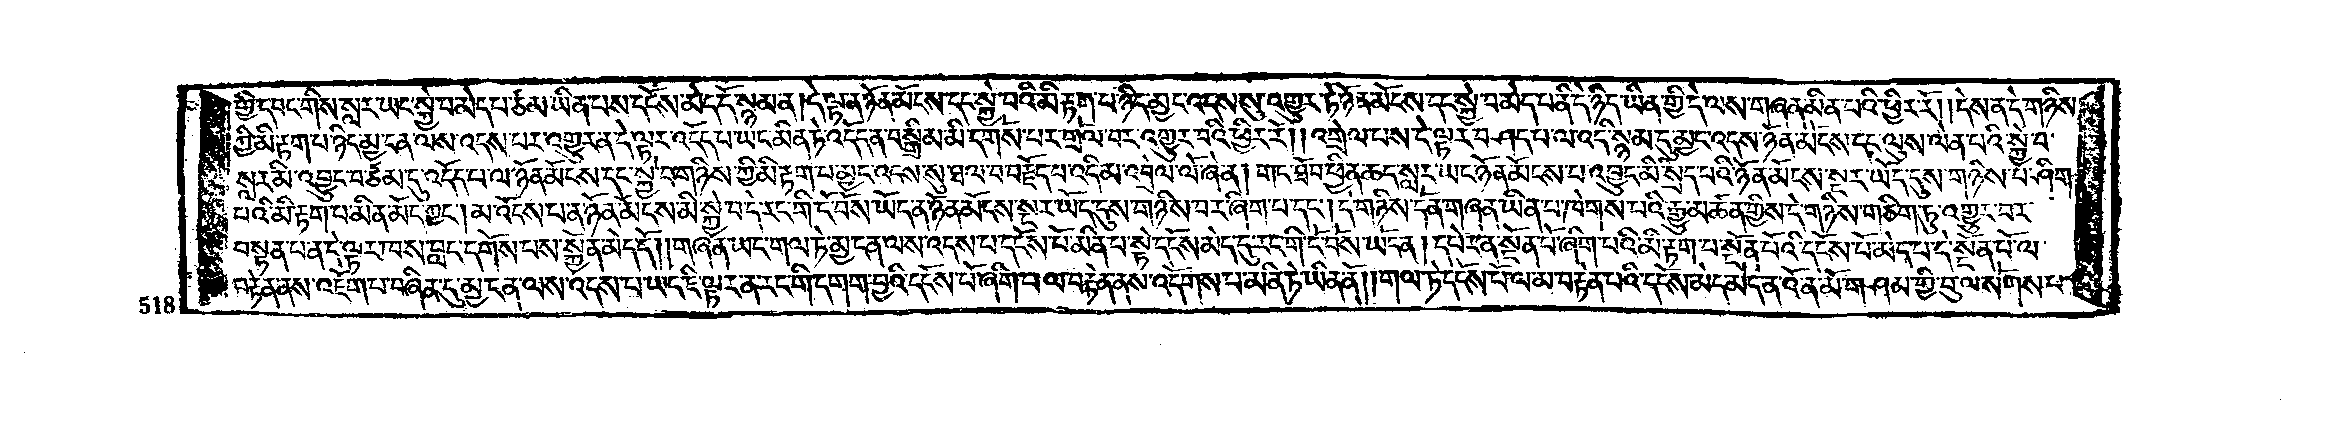གྱི་དབང་གིས་སླར་ཡང་སྐྱེ་བ་མེད་པ་ཙམ་ཡིན་པས་དངོས་མེད་དོ་སྙམ་ན། དེ་ལྟ་ན་ཉོན་མོངས་དང་སྐྱེ་བའི་མི་རྟག་པ་ཉིད་མྱང་འདས་སུ་འགྱུར་ཏེ་ཉོན་མོངས་དང་སྐྱེ་བ་མེད་པ་ནི་དེ་ཉིད་ཡིན་གྱི་དེ་ལས་གཞན་མིན་པའི་ཕྱིར་རོ། །དེས་ན་དེ་གཉིས་
ཀྱི་མི་རྟག་པ་ཉིད་མྱ་ངན་ལས་འདས་པར་འགྱུར་ན་དེ་ལྟར་འདོད་པ་ཡང་མིན་ཏེ་དོད་ན་བསྒྲིམ་མི་དགོས་བར་གྲོལ་བར་གྱུར་བའི་ཕྱིར་རོ། །འགྲེལ་བས་དེ་ལྟ་བཤད་པ་ལ་འདི་ཉམ་དུ་མྱང་འདས་ཉོན་མོངས་དང་ལུས་ལེན་པའི་སྐྱེ་བ་
སླར་མི་འབྱུང་བ་ཙམ་དུ་འདོད་པ་ལ་ཉོན་མོངས་དང་སྐྱེ་བ་གཉིས་ཀྱི་མི་རྟག་པ་མྱང་འདས་སུ་ཐལ་བ་བརྗོད་པ་འདི་མ་འབྲེལ་ལོ་ཞེ་ན། གང་ཐོབ་ཕྱིན་ཆད་སླར་ཡང་ཉོན་མོངས་པ་འབྱུང་མི་སྲིད་པའི་ཉོན་མོངས་སྔར་ཡོད་དུས་གཉིས་པ་ཤིག་
པའི་མི་རྟག་པ་མིན་མོད་ཀྱང་། མ་འོངས་པ་ན་ཉོན་མོངས་མི་སྐྱེ་བ་དེ་རང་གི་ངོ་བོས་ཡོད་ན་ཉོན་མོངས་སྔར་ཡོད་དུས་གཉི་པར་ཞིག་བ་དང་། དེ་གཉི་དོན་ཞན་ཡིན་པ་ཁེགས་པའི་རྒྱུ་མཚན་གྱི་དེ་གཉི་གཅིག་ཏུ་འགྱུར་བར་
བསྟན་པ་ན་དེ་ལྟར་ཁས་བླང་དགོས་པས་སྐྱོན་མེད་དོ། །གཞན་ཡང་གལ་ཏེ་མྱ་ངན་ལས་འདས་པ་དངོས་པོ་མིན་པ་སྟེ་དངོས་མེད་དུ་རང་གི་ངོ་བོས་ཡོད་ན། དཔེར་ན་སྔོན་པོ་ཞིག་པའི་མི་རྟག་པ་སྔོན་པོའི་དངོས་པོ་མེད་པ་དེ་སྔོན་པོ་ལ་
བརྟེན་ནས་འཇོག་པ་བཞིན་དུ་མྱ་ངན་ལས་འདས་པ་ཡང་ཇི་ལྟར་ན་རང་གི་དགག་བྱའི་དངོས་པོ་ཞིག་པ་ལ་བརྟེན་ནས་འདོགས་པ་མིན་ཏེ་ཡིན་ནོ། །གལ་ཏེ་དངོས་པོ་ལ་མ་བརྟེན་པའི་དངོས་མེད་མེད་ན་འོ་ན་མོ་གཤམ་གྱི་བུ་ལ་སོགས་པ་